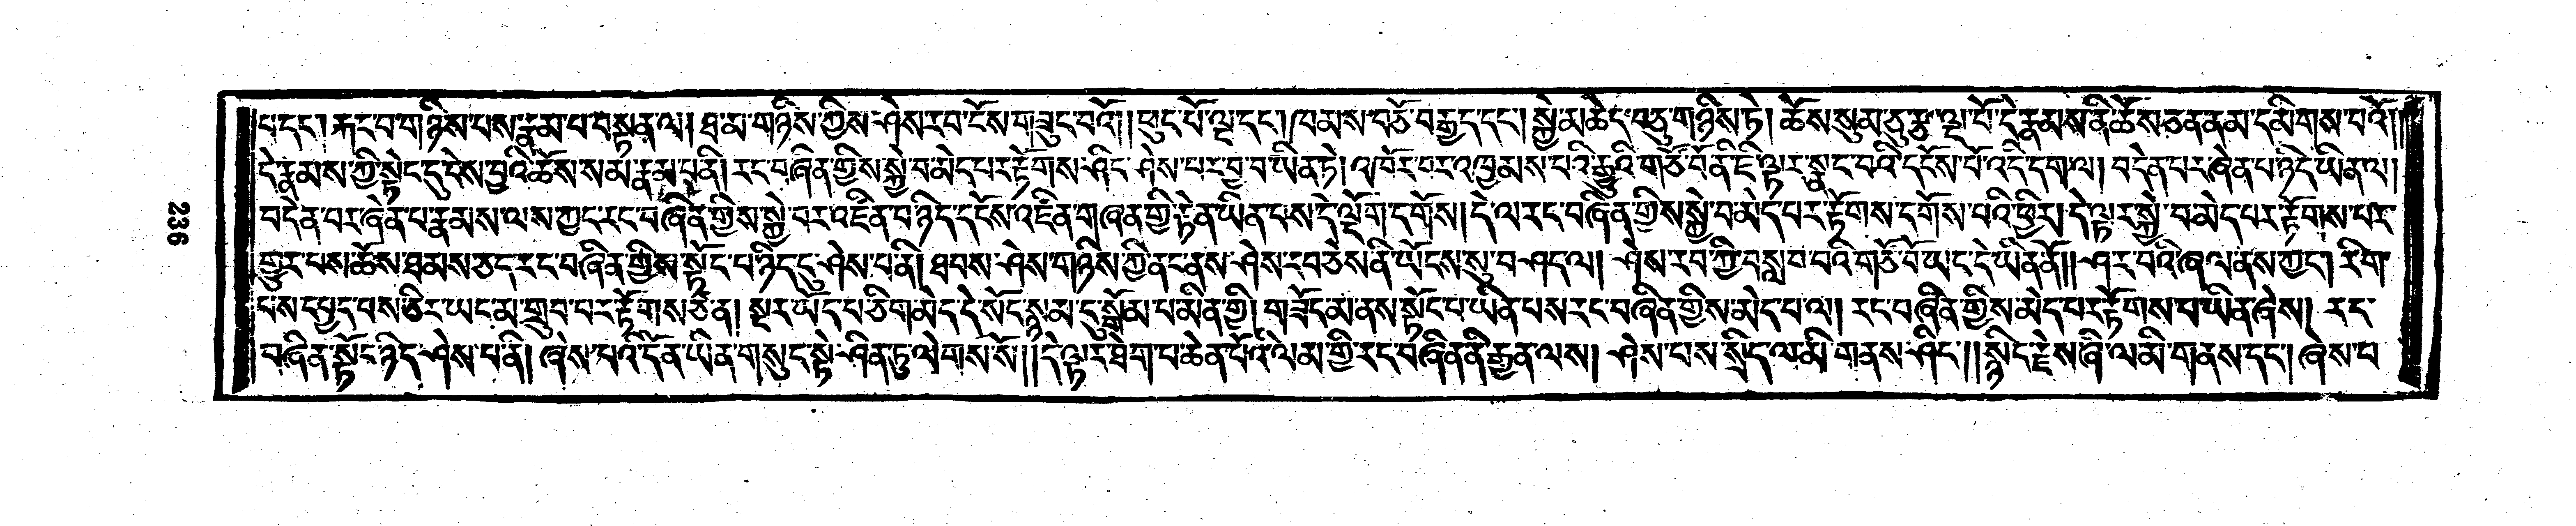པ་དང་། རྐང་པ་གཉིས་པས་རྣམ་པ་བསྟན་ལ། ཐ་མ་གཉིས་ཀྱིས་ཤེས་རབ་ངོས་གཟུང་བའོ། །ཕུང་པོ་ལྔ་དང་། ཁམས་བཅོ་བརྒྱད་དང་། སྐྱེ་མཆེད་བཅུ་གཉིས་ཏེ། ཆོས་སུམ་ཅུ་རྩ་ལྔ་པོ་དེ་རྣམས་ནི་ཆོས་ཅན་ནམ་དམིགས་པའོ།།
དེ་རྣམས་ཀྱི་སྟེང་དུ་ངེས་བྱའི་ཆོས་སམ་རྣམ་པ་ནི། རང་བཞིན་གྱིས་སྐྱེ་བ་མེད་པར་རྟོགས་ཤིང་ཤེས་པར་བྱ་བ་ཡིན་ཏེ། འཁོར་བར་འཁྱམས་པའི་རྒྱུའི་གཙོ་བོ་ནི་ཇི་ལྟར་སྣང་བའི་དངོས་པོ་འདི་དག་ལ། བདེན་པར་ཞེན་པ་ཉིད་ཡིན་ལ།
བདེན་པར་ཞེན་པ་རྣམས་ལས་ཀྱང་རང་བཞིན་གྱིས་སྐྱེ་བར་འཛིན་པ་ཉིད་དངོས་འཛིན་གཞན་གྱི་རྟེན་ཡིན་པས་དེ་ལྡོག་དགོས། དེ་ལ་རང་བཞིན་གྱིས་སྐྱེ་བ་མེད་པར་རྟོགས་དགོས་པའི་ཕྱིར། དེ་ལྟར་སྐྱེ་བ་མེད་པར་རྟོགས་པར་
གྱུར་པས་ཆོས་ཐམས་ཅད་རང་བཞིན་གྱིས་སྟོང་པ་ཉིད་དུ་ཤེས་པ་ནི། ཐབས་ཤེས་གཉིས་ཀྱི་ནང་ནས་ཤེས་རབ་ཅེས་ནི་ཡོངས་སུ་བཤད་ལ། ཤེས་རབ་ཀྱི་བསླབ་པའི་གཙོ་བོ་ཡང་དེ་ཡིན་ནོ། །ཤ་ར་བའི་ཞལ་ནས་ཀྱང་། རིག་
པས་དཔྱད་པས་ཅིར་ཡང་མ་གྲུབ་པར་རྟོགས་ཅེ་ན། སྔར་ཡོད་པ་ཅིག་མེད་དེ་སོང་སྙམ་དུ་སྒོམ་པ་མིན་གྱི། གཟོད་མ་ནས་སྟོང་པ་ཡིན་པས་རང་བཞིན་གྱིས་མེད་པ་ལ། རང་བཞིན་གྱིས་མེད་པར་རྟོགས་པ་ཡིན་ཞེས། རང་
བཞིན་སྟོང་ཉིད་ཤེས་པ་ནི། ཞེས་པའི་དོན་ཡིན་གསུང་སྟེ་ཤིན་ཏུ་ལེགས་སོ། །དེ་ལྟར་ཐེག་པ་ཆེན་པོའི་ལམ་གྱི་རང་བཞིན་ནི་རྒྱན་ལས། ཤེས་པས་སྲིད་ལ་མི་གནས་ཤིང་། །སྙིང་རྗེས་ཞི་ལ་མི་གནས་དང་། ཞེས་པ་